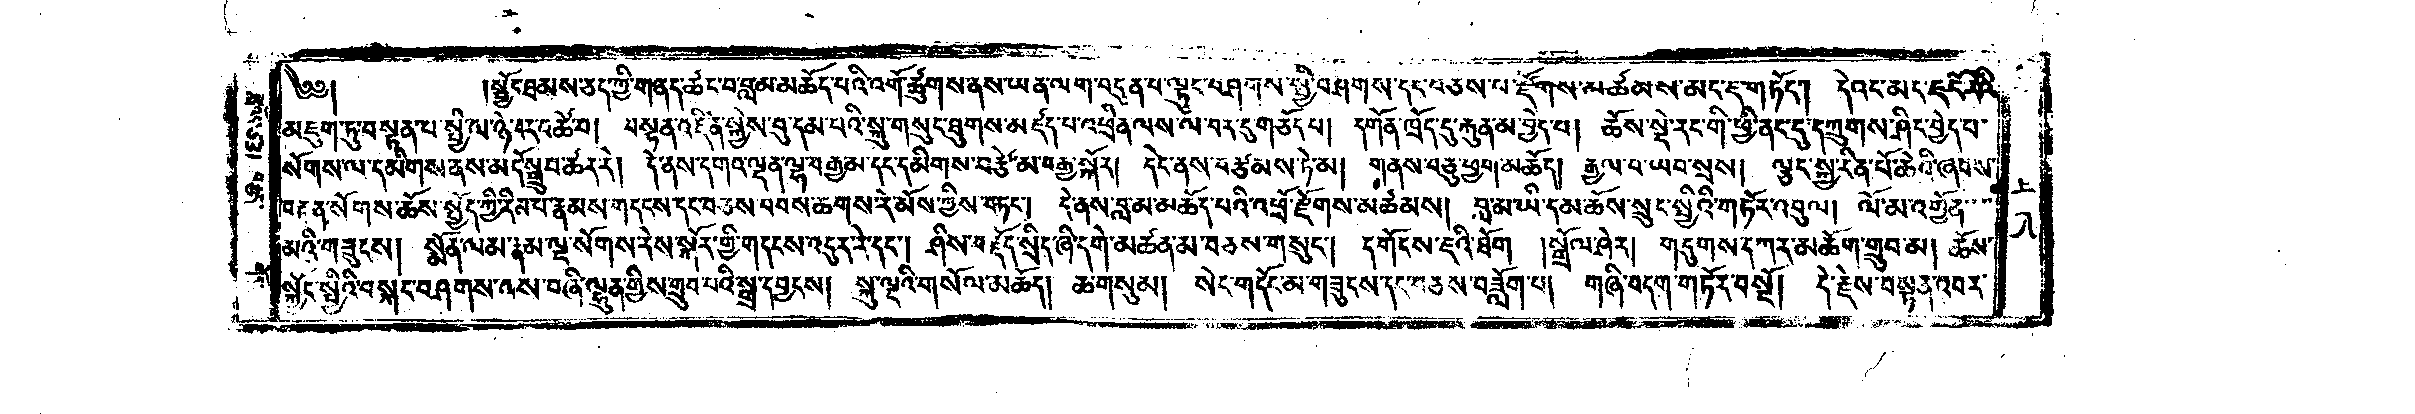༄༅། །སྦྱོང་ཐམས་ཅད་ཀྱི་གནད་ཚང་བ་བླ་མ་མཆོད་པའི་འགོ་ཚུགས་ནས་ཡན་ལག་བདུན་པ་ལྟུང་བཤགས་སྤྱི་བཤགས་དང་བཅས་པ་རྫོགས་མཚམས་མང་ཇ་གཏོང་། དེའང་མང་ཇ་ངོ་རེའི་
མཇུག་ཏུ་བསྟན་པ་སྤྱི་ལ་ཉེ་བར་འཚེ་བ། བསྟན་འཛིན་སྐྱེས་བུ་དམ་པའི་སྐུ་གསུང་ཐུགས་མཛད་པ་འཕྲིན་ལས་ལ་བར་དུ་གཅོད་པ། དགོན་ཁྲོད་དུ་རྐུན་མ་བྱེད་པ། ཆོས་སྡེ་རང་གི་ཕྱི་ནང་དུ་དཀྲུགས་ཤིང་བྱེད་པ་
སོགས་ལ་དམིགས་ནས་མདོ་སྒྲུབ་ཚར་རེ། དེ་ནས་དགའ་ལྡན་ལྷ་བརྒྱ་མ་དང་དམིགས་བརྩེ་མ་བརྒྱ་སྐོར། དེང་ནས་བརྩམས་ཏེ་མ། གནས་བཅུ་ཕྱག་མཆོད། རྒྱལ་བ་ཡབ་སྲས། ལྕང་སྐྱ་རིན་པོ་ཆེའི་ཞབས་
བརྟན་སོགས་ཆོས་སྤྱོད་ཀྱི་རིམ་པ་རྣམས་གདངས་དང་བཅས་བབས་ཆགས་རེ་མོས་ཀྱིས་བཏང་། དེ་ནས་བླ་མ་མཆོད་པའི་འཕྲོ་རྫོགས་མཚམས། བླ་མ་ཡི་དམ་ཆོས་སྲུང་སྤྱིའི་གཏོར་འབུལ། ལོ་མ་འགྱོན་
མའི་གཟུངས། སྨོན་ལམ་རྣམ་ལྔ་སོགས་རེས་སྐོར་གྱི་གདངས་འདུར་རེ་དང་། ཤིས་བརྗོད་སྲིད་ཞི་དགེ་མཚན་མ་བཅས་གསུང་། དགོངས་ཇའི་ཐོག །སྒྲོལ་ཤེར། གདུགས་དཀར་མཆོག་གྲུབ་མ། ཆོས་
སྐྱོང་སྤྱིའི་བསྐང་བཤགས་ལས་བཞི་ལྷུན་གྱིས་གྲུབ་པའི་སྒྲ་དབྱངས། སྐུ་ལྔའི་གསོལ་མཆོད། ཆ་གསུམ། སེང་གདོང་མ་གཟུངས་དང་བཅས་བཟློག་པ། གཞི་བདག་གཏོར་བསྔོ། དེ་རྗེས་བསྟན་འབར་